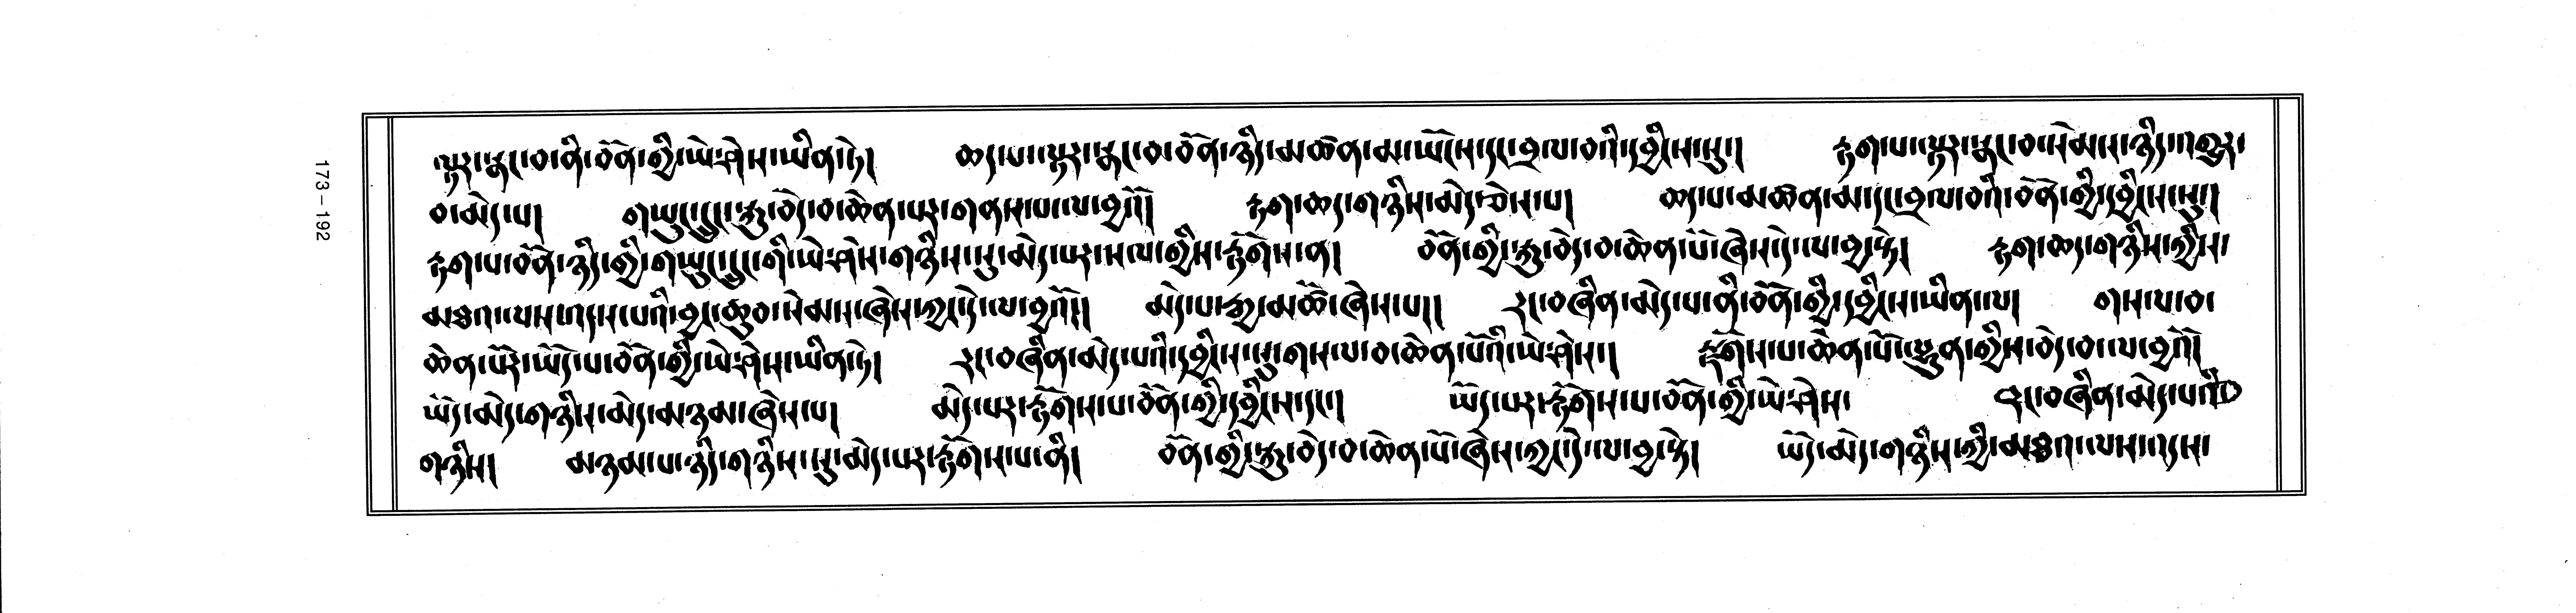ལྟར་སྣང་བ་ནི་བོན་གྱི་ཡེ་ཤེས་ཡིན་ཏེ། ཆད་པ་ལྟར་སྣང་བ་བོན་ཉིད་མཚན་མ་ཡོངས་དང་བྲལ་བའི་དབྱིངས་སུ། རྟག་པ་ལྟར་སྣང་བ་སེམས་ཉིད་འགྱུར་
བ་མེད་པ། གཡུང་དྲུང་སྐུ་བདེ་བ་ཆེན་པོར་གནས་པ་ལ་བྱའོ། །རྟག་ཆད་གཉིས་མེད་ཅེས་པ། ཆད་པ་མཚན་མ་དང་བྲལ་བའི་བོན་དབྱིངས་སུ། 
རྟག་པ་བོན་ཉིད་ཀྱི་གཡུང་དྲུང་གི་ཡེ་ཤེས་གཉིས་སུ་མེད་པར་སལ་གྱིས་རྟོགས་ན། བོན་གྱི་སྐུ་བདེ་བ་ཆེན་པོ་ཞེས་དེ་ལ་བྱ་སྟེ། རྟག་ཆད་གཉིས་ཀྱི་
མཐའ་ལས་འདས་པའི་བྱང་ཆུབ་སེམས་ཞེས་ཀྱང་དེ་ལ་བྱའོ། །མེད་པ་རྒྱ་མཚོི་ཞེས་པ། རང་བཞིན་མེད་པ་ནི་བོན་གྱི་དབྱིངས་ཡིན་ལ། གསལ་བ་
ཆེན་པོར་ཡོད་པ་བོན་གྱི་ཡེ་ཤེས་ཡིན་ཏེ། རང་བཞིན་མེད་པའི་དབྱིངས་སུ་གསལ་བ་ཆེན་པོའི་ཡེ་ཤེས། རྫོགས་པ་ཆེན་པོ་ལྷུན་གྱིས་བདེ་བ་ལ་བྱའོ། །
ཡོད་མེད་གཉིས་མེད་མཉམ་ཞེས་པ། མེད་པར་རྟོགས་པ་བོན་གྱི་དབྱིངས་དང་། ཡོད་པར་རྟོགས་པ་བོན་གྱི་ཡེ་ཤེས་གཉིས། རང་བཞིན་མེད་པའི་
གཉིས། མཉམ་པ་ཉིད་གཉིས་སུ་མེད་པར་རྟོགས་པ་ནི། བོན་གྱི་སྐུ་བདེ་བ་ཆེན་པོ་ཞེས་ཀྱང་དེ་ལ་བྱ་སྟེ། ཡོད་མེད་གཉིས་ཀྱི་མཐའ་ལས་འདས་